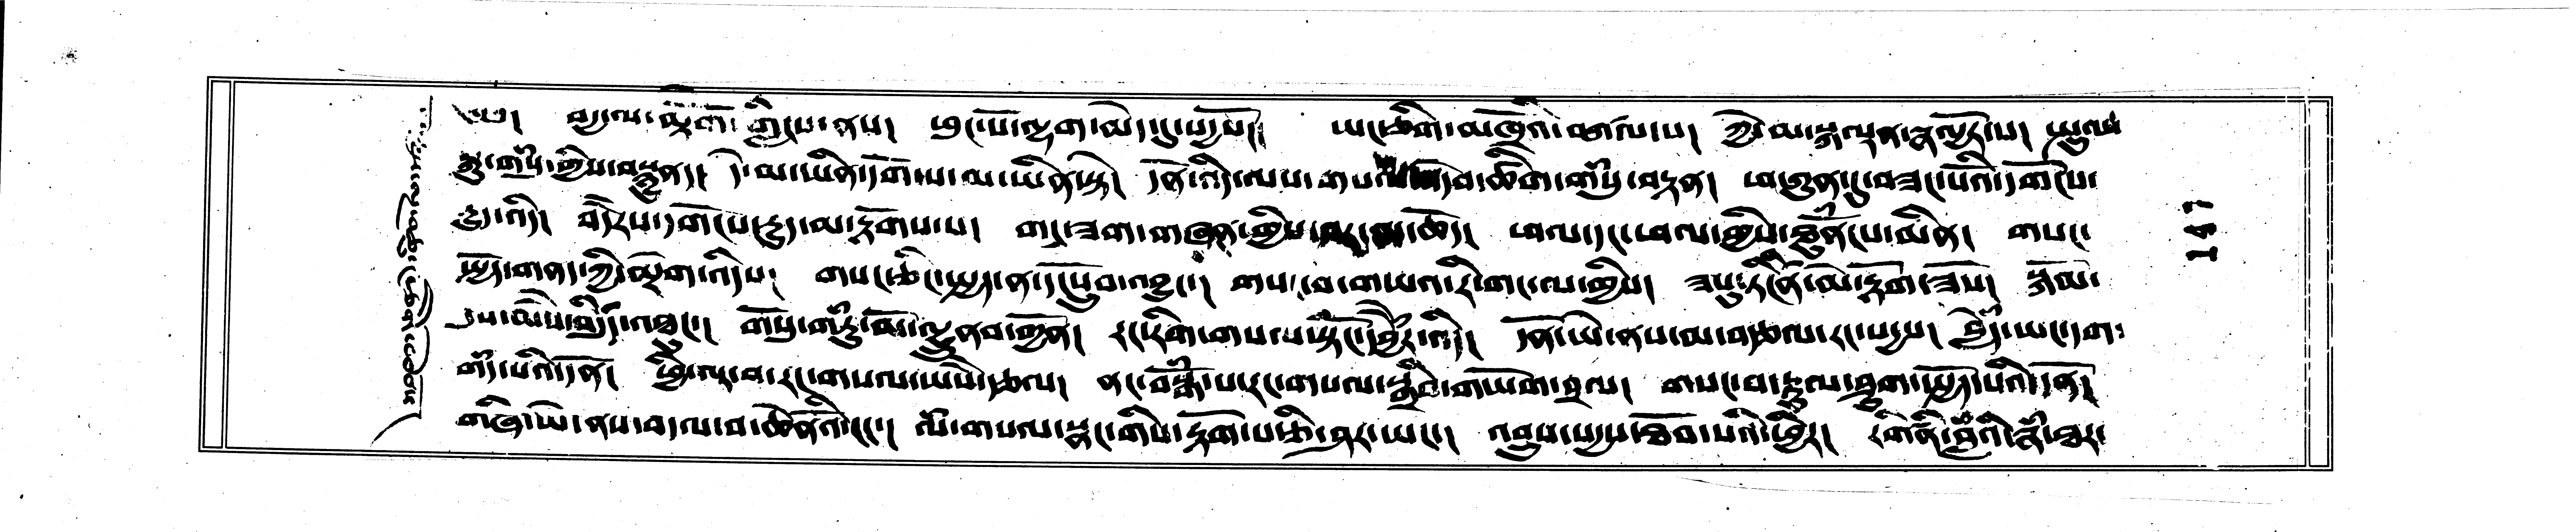བརྒྱ་ལ་མེ་ཏོག་གླིང་ནས་ཕུང་པོ་ལྷག་མེད་དུ་སངས་རྒྱས་སོ། །ཡང་གཅིག་མཁའ་འགྲོའི་བཀའ་སྩལ་པ། ཀྱེ་མ་སྐལ་ལྡན་རྣལ་འབྱོར་པ། སྤྲུལ་
སྐུ་གསུམ་གྱི་སྙན་རྒྱུད། དེ་མ་ཡིན་དགོས་པ་མ་ཡིན་ཏེ། དོན་འདི་ལས་གསལ་འདེབས་ཚིག་གསུམ་བསྟན། ཕ་ཀུན་ཏུ་བཟང་པོའི་དགོངས་
རྒྱུད་འདི། བདེར་གཤེགས་དགོངས་རྒྱུད་མ་གཏོགས་པ། གང་ཟག་གཞན་གྱིས་བར་མ་ཆོད། ཕལ་དང་ཕལ་གྱི་ཐུན་མོང་མིན། གསང་
སྤྱོད་གནད་ཀྱི་མང་ངག་འདིས། གསང་ཅིང་སྤྱད་ན་དངོས་གྲུབ་འབྱུང་། གསང་བ་གཡའ་རི་གངས་ལ་གྱིས། ཟས་སུ་ཏིང་འཛིན་མེ་ཏོག་ཟོས། སྐོམ་
དུ་ཡེ་ཤེས་བདུད་རྩི་འཐུང་། གོས་སུ་གཏུམ་མོ་ལྷུན་གྲུབ་གྱོན། རང་རིག་གསལ་སྟོང་དབྱེར་མེད་འདི། དོན་ཡེ་ནས་མ་བཙལ་རང་སངས་རྒྱས། བླ་མེད་ཡང་དག་
གདམས་པའི་དོན། ཕྱི་ལྟ་བ་རང་གསལ་ཡེ་ཤེས་རྩལ། ནང་སྒོམ་པ་རང་གསལ་སྒྲིབ་གཡོགས་བྲལ། གསང་བ་རྟུལ་ཞུགས་སྤྱོད་པའི་དོན། 
གཞི་ཡེ་ནས་གདལ་པ་ཆེན་པོའི་ངང་། ལམ་གསལ་སྣང་གི་རྟོགས་པ་ཅི་ཤར་ཡང་། འབྲས་བུ་སངས་རྒྱས་ཐོབ་པའི་ཕྱིར། རིག་འཛིན་བླ་མའི་རྣམ་ཐར་